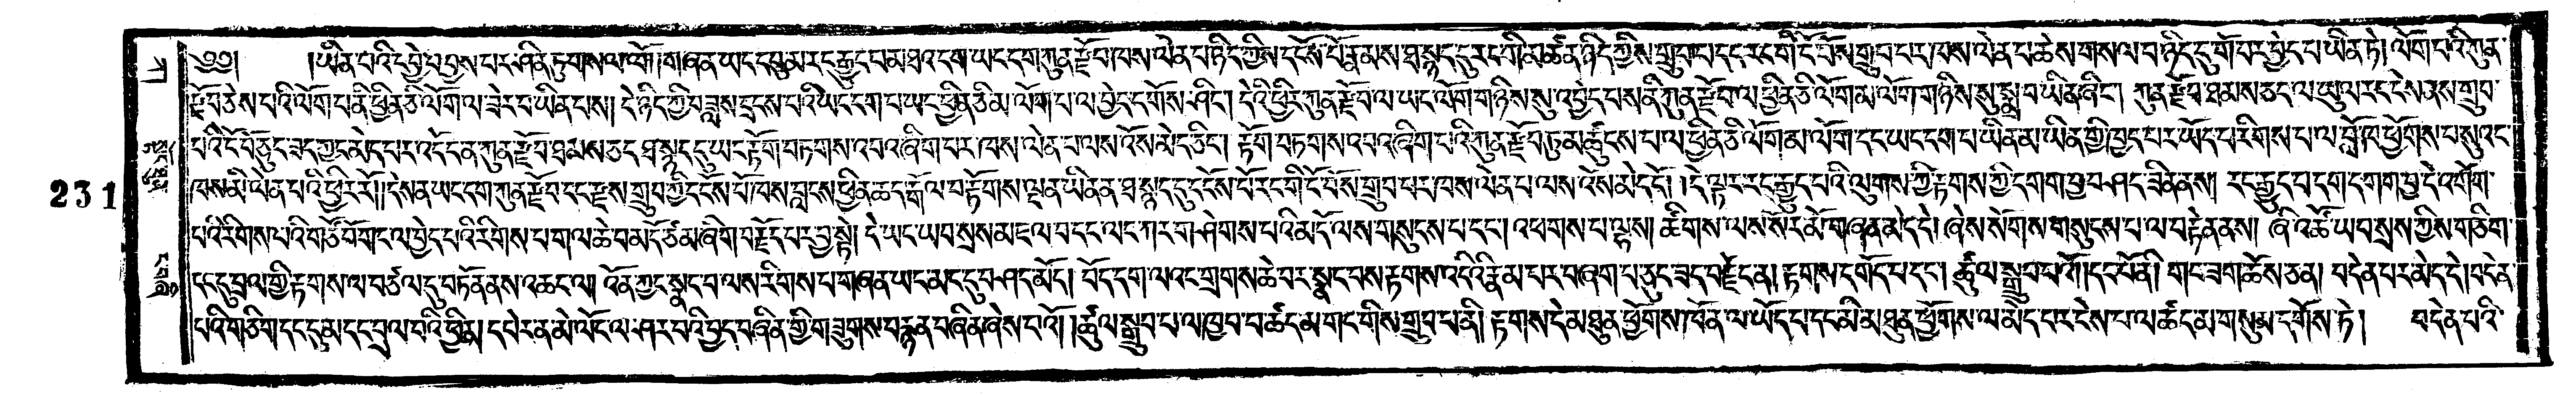༄༅། །ཡིན་པའི་དབྱེ་བ་བྱས་པར་ཤིན་ཏུ་གསལ་ལོ། །གཞན་ཡང་དབུ་མ་རང་རྒྱུད་བ་མཐའ་དག་ཡང་དག་ཀུན་རྫོབ་ཁས་ལེན་པ་ཉིད་ཀྱིས་དངོས་པོ་རྣམས་ཐ་སྙད་དུ་རང་གི་མཚན་ཉིད་ཀྱིས་གྲུབ་པ་དང་རང་གི་ངོ་བོས་གྲུབ་པར་ཁས་ལེན་པ་ཆེས་གསལ་བ་ཉིད་དུ་གོ་བར་བྱེད་པ་ཡིན་ཏེ། ལོག་པའི་ཀུན་
རྫོབ་ཅེས་པའི་ལོག་པ་ནི་ཕྱིན་ཅི་ལོག་ལ་ཟེར་བ་ཡིན་པས། དེ་ཉིད་ཀྱི་བཟླས་དྲངས་པའི་ཡང་དག་པ་ཡང་ཕྱིན་ཅི་མ་ལོག་པ་ལ་བྱེད་དགོས་ཤིང་། དེའི་ཕྱིར་ཀུན་རྫོབ་ལ་ཡང་ལོག་གཉིས་སུ་འབྱེད་པས་ནི་ཀུན་རྫོབ་ལ་ཕྱིན་ཅི་ལོག་མ་ལོག་གཉིས་སུ་སྨྲ་བ་ཡིན་ཞིང་། ཀུན་རྫོབ་ཐམས་ཅད་ལ་ཡུལ་རང་ངེས་ནས་གྲུབ་
པའི་ངོ་བོ་ཅུང་ཟད་ཀྱང་མེད་པར་འདོད་ན་ཀུན་རྫོབ་ཐམས་ཅད་ཐ་སྙད་དུ་ཡང་རྟོག་བཏགས་འབའ་ཞིག་བར་ཁས་ལེན་པ་ལས་འོས་མེད་ཅིང་། རྟོག་བཏགས་འབའ་ཞིག་པའི་ཀུན་རྫོབ་ཏུ་མཚུངས་པ་ལ་ཕྱིན་ཅི་ལོག་མ་ལོག་དང་ཡང་དག་པ་ཡིན་མ་ཡིན་གྱི་ཁྱད་པར་ཡོད་པ་རིགས་པ་ལ་བློ་ཁ་ཕྱོགས་པ་སུའང་
ཁས་མི་ལེན་པའི་ཕྱིར་རོ། །དེས་ན་ཡང་དག་ཀུན་རྫོབ་དང་རྫས་གྲུབ་ཀྱི་དངོས་པོ་ཁས་བླངས་ཕྱིན་ཆད་རྒོལ་བ་རྟོགས་ལྡན་ཡིན་ན་ཐ་སྙད་དུ་དངོས་པོ་རང་གི་ངོ་བོས་གྲུབ་པར་ཁས་ལེན་པ་ལས་འོས་མེད་དོ། །དེ་ལྟར་རང་རྒྱུད་པའི་ལུགས་ཀྱི་རྟགས་ཀྱི་དགག་བྱ་བཤད་ཟིན་ནས། རང་རྒྱུད་པ་དག་དགག་བྱ་དེ་འགོག་
པའི་རིགས་པའི་གཙོ་བོ་གང་ལ་བྱེད་པའི་རིགས་པ་གལ་ཆེ་བ་མདོ་ཙམ་ཞིག་བརྗོད་པར་བྱ་སྟེ། དེ་ཡང་ཡབ་སྲས་མཇལ་བ་དང་ལང་ཀར་གཤེགས་པའི་མདོ་ལས་གསུངས་པ་དང་། འཕགས་པ་ལྷས། ཚིགས་ལས་སོར་མོ་གཞན་མེད་དེ། ཞེས་སོགས་གསུངས་པ་ལ་བརྟེན་ནས། ཞི་འཚོ་ཡབ་སྲས་ཀྱིས་གཅིག་
དང་དུ་བྲལ་གྱི་རྟགས་ལ་བཙལ་དུ་བཏོན་ནས་འཆང་ལ། འོན་ཀྱང་སྣང་བ་ལས་རིགས་པ་གཞན་ཡང་མང་དུ་བཤད་མོད། བོད་དག་ལའང་གྲགས་ཆེ་བར་སྣང་བས་རྟགས་འདིའི་རྣམ་པར་བཞག་པ་ཅུང་ཟད་བརྗོད་ན། རྟགས་དགོད་པ་དང་། ཚུལ་སྒྲུབ་པའོ། །དང་པོ་ནི། གང་ཟག་ཆོས་ཅན། བདེན་པར་མེད་དེ། བདེན་
པའི་གཅིག་དང་དུ་མ་དང་བྲལ་བའི་ཕྱིན། དཔེར་ན་མེ་ལོང་ལ་ཤར་བའི་བྱད་བཞིན་གྱི་གཟུགས་བརྙན་བཞིན་ཞེས་པའོ། །ཚུལ་སྒྲུབ་པ་ལ་ཁྱབ་བ་ཚད་མ་གང་གིས་གྲུབ་པ་ནི། རྟགས་དེ་མཐུན་ཕྱོགས་ཁོ་ན་ལ་ཡོད་པ་དང་མི་མཐུན་ཕྱོགས་ལ་མེད་པར་ངེས་པ་ལ་ཚད་མ་གསུམ་དགོས་ཏེ། བདེན་པའི་